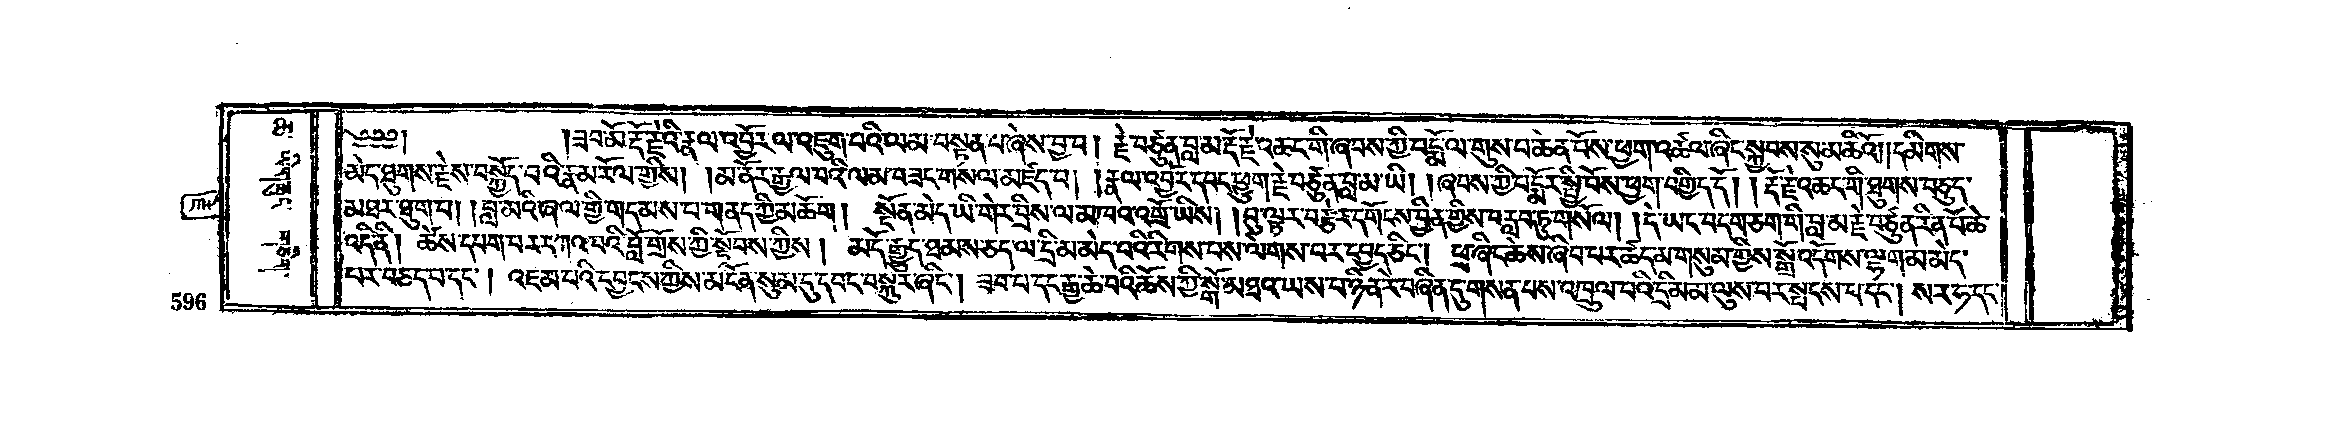༄༅༅། །ཟབ་མོ་རྡོ་རྗེའི་རྣལ་འབྱོར་ལ་འཇུག་པའི་ལམ་བསྟན་པ་ཞེས་བྱ་བ། རྗེ་བཙུན་བླ་མ་རྡོ་རྗེ་འཆང་གི་ཞབས་ཀྱི་པདམོ་ལ་གུས་པ་ཆེན་པོས་ཕྱག་འཚལ་ཞིང་སྐྱབས་སུ་མཆིའོ། །དམིགས་
མེད་ཐུགས་རྗེས་བསྐྱོད་པའི་རྣམ་རོལ་གྱིས། །མ་ནོར་རྒྱལ་བའི་ལམ་བཟང་གསལ་མཛད་པ། །རྣལ་འབྱོར་དབང་ཕྱུག་རྗེ་བཙུན་བླ་མ་ཡི། །ཞབས་ཀྱི་པདམོར་སྤྱི་བོས་ཕྱག་བགྱིད་དོ། །རྡོ་རྗེ་འཆང་གི་ཐུགས་བཅུད་
མཐར་ཐུག་པ། །བླ་མའི་ཞལ་གྱི་གདམས་པ་གནད་ཀྱི་མཆོག །སྔོན་མེད་ཡི་གེར་བྲིས་ལ་མཁའ་འགྲོ་ཡིས། །བུ་ལྟར་བརྩེར་དགོངས་བྱིན་གྱིས་བརླབ་ཏུ་གསོལ། །དེ་ཡང་བདག་ཅག་གི་བླ་མ་རྗེ་བཙུན་རིན་པོ་ཆེ་
འདི་ནི། ཆེས་དཔག་པར་དཀའ་བའི་བློ་གྲོས་ཀྱི་སྟོབས་ཀྱིས། མདོ་རྒྱུད་ཐམས་ཅད་ལ་དྲི་མ་མེད་པའི་རིགས་པས་ལེགས་པར་དཔྱད་ཅིང་། ཕྲ་ཞིང་ཆེས་ཞིབ་པར་ཚད་མ་གསུམ་གྱིས་སྒྲོ་འདོགས་ལྷག་མ་མེད་
པར་བཅད་པ་དང་། འཇམ་པའི་དབྱངས་ཀྱིས་མངོན་སུམ་དུ་དབང་བསྐུར་ཞིང་། ཟབ་པ་དང་རྒྱ་ཆེ་བའི་ཆོས་ཀྱི་སྒོ་མཐའ་ཡས་པ་ཉིན་རེ་བཞིན་དུ་གསན་པས་འཁྲུལ་པའི་དྲི་མ་མ་ལུས་པར་སྤངས་པ་དང་། ས་ར་ཧ་དང་